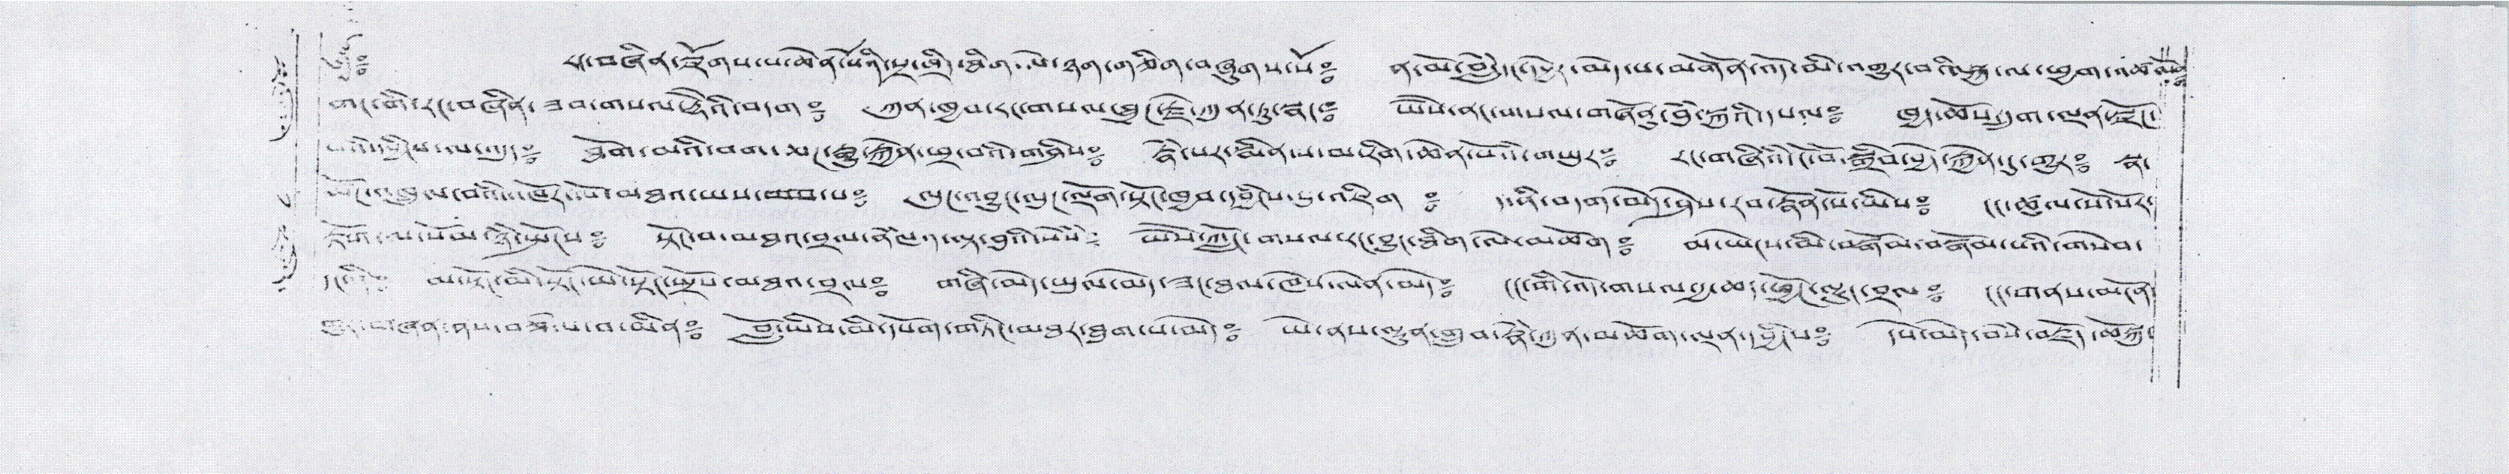རང་བཞིན་རྫོགས་པ་ཆེན་པོའི་པྲ་ཁྲིད་ཐིག་ལེ་ཉག་གཅིག་བཞུགས་སོ། ན་མོ་བླ་མ་དང་དབྱེར་མེད་པ་མགོན་པོ་འོད་མི་འགྱུར་བའི་སྐུ་ལ་ཕྱག་འཚལ་ལོཿ 
གང་གི་རང་བཞིན་ཟབ་གསལ་རྡོ་རྗེའི་བདགཿ ཀུན་ཁྱབ་རང་གསལ་ཐུགས་རྗེ་ཀུན་ཏུ་སྣངཿ ཡེ་ཤེས་ནང་གསལ་གཞོན་ནུ་བུམ་སྐུའི་དཔལཿ ཁྱད་ཆོས་དྲུག་ལྡན་རྫོགས་
པའི་དབྱིངས་ལ་འདུདཿ ཐོག་མའི་བག་ཆགས་རྒྱུ་རྐྱེན་ཕྲ་བའི་གཤིསཿ རྣམ་པར་སྨིན་པ་མ་རིག་ཆེན་པོའི་གཡུརཿ རང་བཞིའི་ངོ་བོ་སྒྲིབ་བྱེད་རྐྱེན་དུ་གྱུརཿ སྣ་
ཚོགས་འཁྲུལ་པའི་འཁོར་ལོ་མཐའ་ཡས་པཿ ལུགས་འབྱུང་ལུགས་ལྡོག་སྟོང་ཁྱབ་དབྱིངས་སུ་འཇིགཿ ད་ནི་བདག་མེད་ཤེས་རབ་རྣོན་པོ་ཡིསཿ ངང་ཚུལ་སོ་སོར་
རྟོག་ལ་སོམ་ཉི་སྤོངསཿ སྟོང་པ་མཐའ་བྲལ་ནམ་མཁའ་ལྟ་བུའི་སེམསཿ ཡེ་ཤེས་ཀློང་གསལ་རང་འབྱུང་ཐིག་ལེ་མཆོགཿ མ་ཡེངས་མི་བསྒོམ་སྒོམ་པའི་གསེབ་
དང་ནིཿ མ་སྟོང་མི་སྟོང་ཡེ་སྟོང་སྤྲོས་མཐའ་བྲལཿ གཞི་མེད་ཡུལ་མེད་ཟང་ཐལ་ཁས་ལེན་མེདཿ ངང་གི་འོད་གསལ་རྒྱ་ཆད་ཕྱོགས་ལྷུང་བྲལཿ ངང་གནས་མངོན་
གྱུར་གཞན་ནས་བཙལ་བ་མིནཿ བློ་ཡིས་མི་དཔོག་གཏིང་མཐར་ཐུག་པ་མེདཿ ཡེ་ནས་ལྷུན་གྲུབ་རྣམ་ཀུན་མཆོག་ལྡན་དབྱིངསཿ དཔེ་མེད་བསམ་བརྗོད་ཆོས་སྐུ་